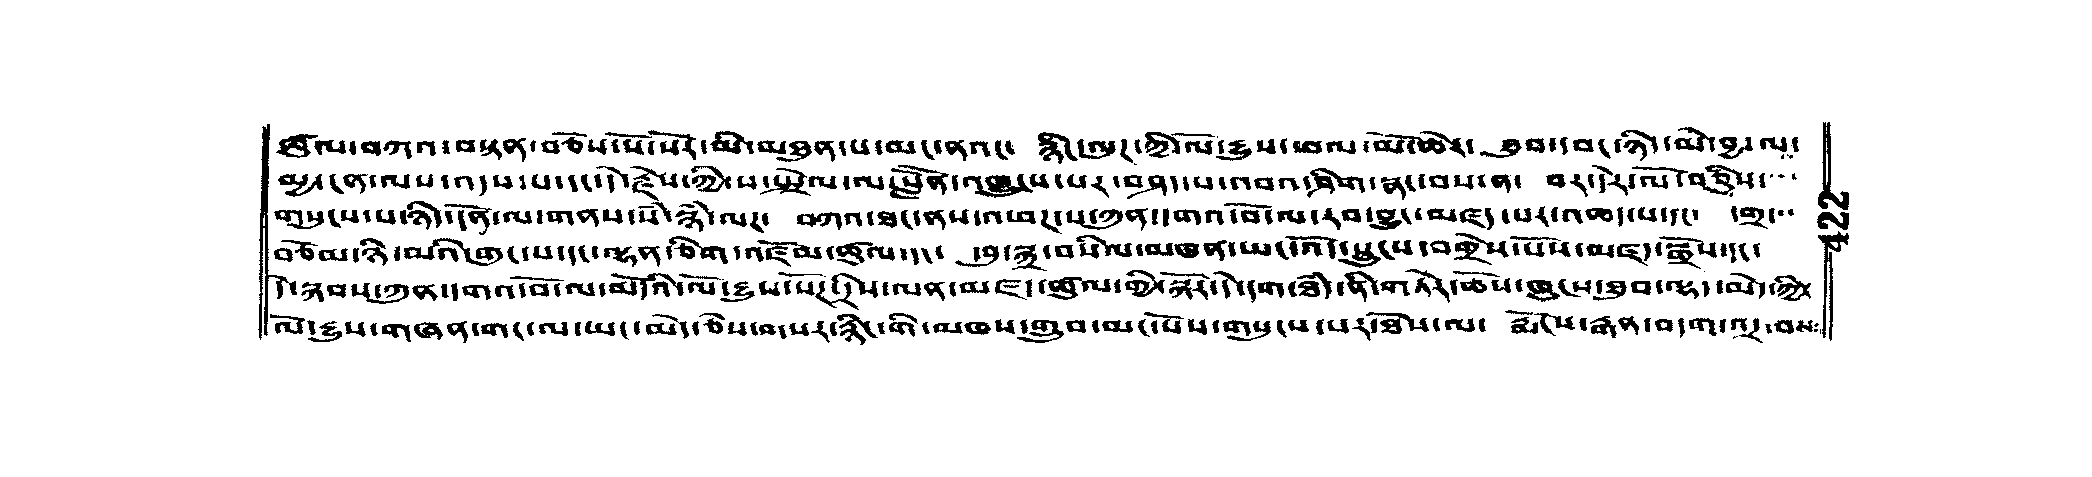ཚུལ་བཀའ་བསྟན་བཅོས་སོ་སོར་མི་མཐུན་པ་མང་ནའང་། རྙིང་ལུགས་ཀྱི་ལོ་རྒྱུས་ཕལ་མོ་ཆེར། ཐུབ་དབང་ཉིད་མེ་བྱ་ལ་
མྱ་ངན་ལས་འདས་པ་དང་དེ་རྗེས་ཀྱི་ས་སྤྲེལ་ལ་སློབ་དཔོན་འཁྲུངས་པར་བཤད་པ་འབའ་ཤིག་སྣང་བས་ན། བར་དེར་ལོ་བཅུ་གཉིས་
གསུངས་པ་ཉིད་དོན་ལ་གནས་སམ་སྙམ་ལགས། བཀའ་ཐང་ནས་འཕགས་པ་ཀུན་དགའ་བོ་ལ་རབ་བྱུང་མཛད་པར་འཆད་པ་དང་། དགྲ་
བཅོམ་ཉི་མའི་གུང་པ་དང་ལྷན་ཅིག་འཛོམ་ཚུལ་དང་། དབུ་སྐྲ་བསིལ་མཁན་ཡང་འོད་སྲུངས་བགྲེས་པོས་མཛད་སྒྲོས་དང་། 
དེ་སྐབས་ཀུན་དགའ་བོ་ལ་མདོའི་ལོ་རྒྱུས་སོགས་དྲིས་ལན་མཛད་ཚུལ་གྱི་སྐོར་དེ་དག་ཐམས་ཅད་ནི་གཏེར་ཆོས་ཁུངས་ཐུབ་ལྷད་མེད་ཀྱི་
ལོ་རྒྱུས་གཞན་གང་ལ་ཡང་མེད་ཅེས་གསར་རྙིང་གི་མཁས་གྲུབ་མང་པོས་གསུངས་པར་ཐོས་ལ། རྨོངས་རྒན་བདག་འདྲ་བས་